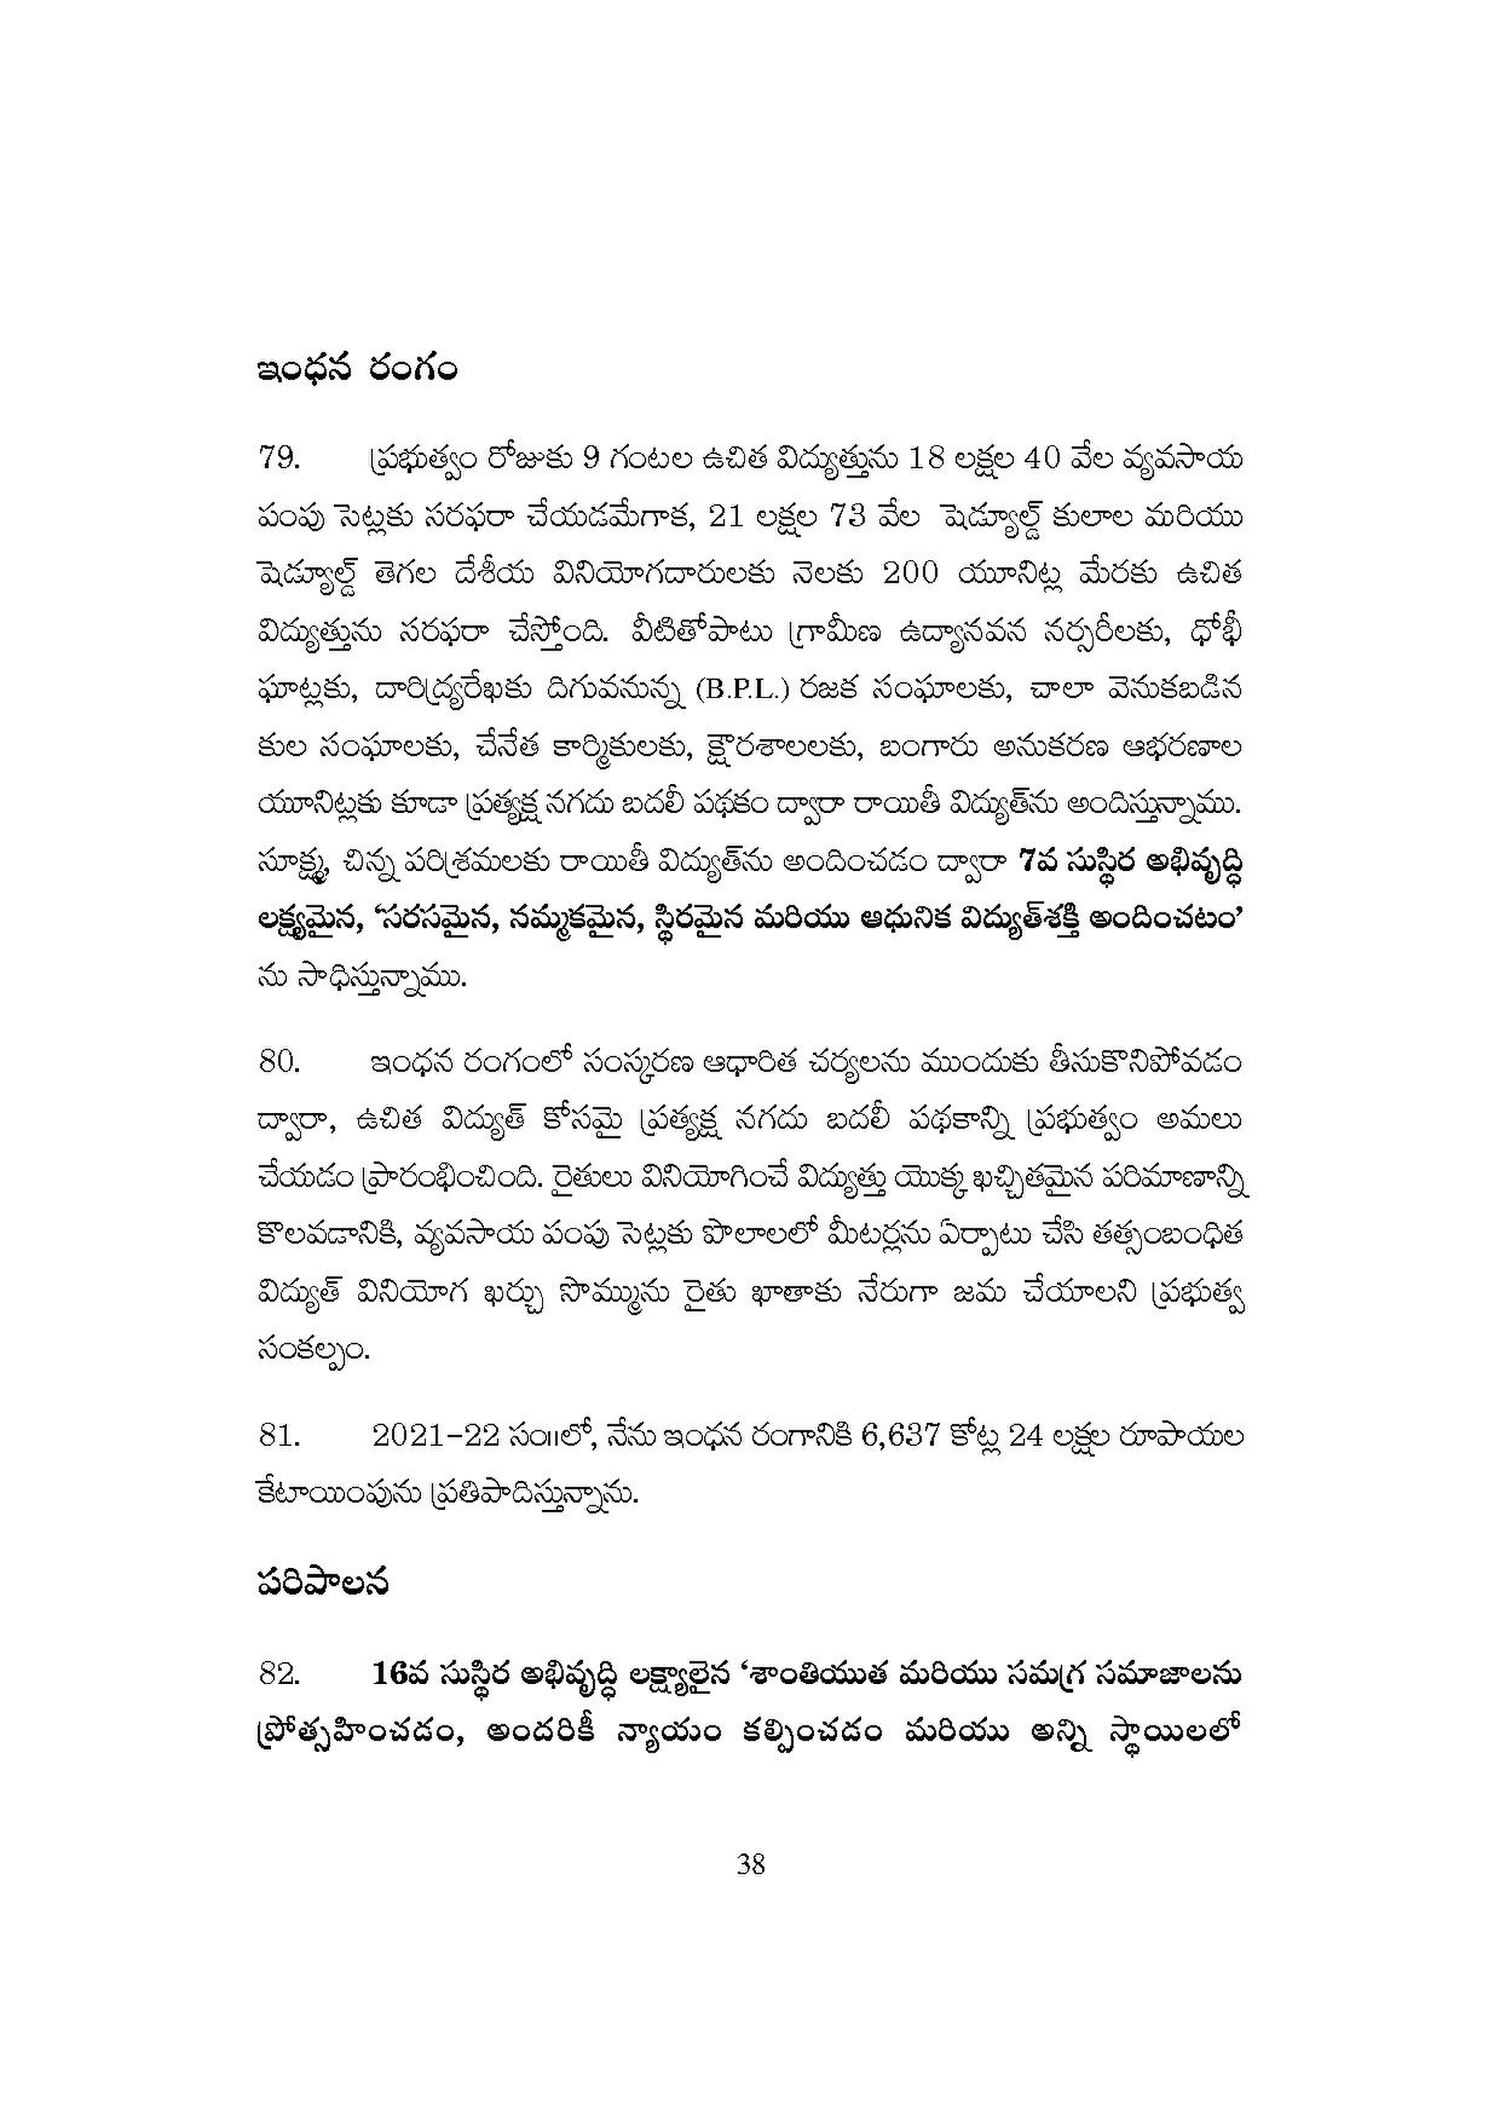ఇంధన రంగం

79. ప్రభుత్వం రోజుకు 9 గంటల ఉచిత విద్యుత్తును 18 లక్షల 40 వేల వ్యవసాయ
పంపు సెట్లకు సరఫరా చేయడమేగాక, 21 లక్షల 73 వేల షెడ్యూల్డ్ కులాల మరియు
షెడ్యూల్డ్ తెగల దేశీయ వినియోగదారులకు నెలకు 200 యూనిట్ల మేరకు ఉచిత
విద్యుత్తును సరఫరా చేస్తోంది. వీటితోపాటు గ్రామీణ ఉద్యానవన నర్సరీలకు, ధోభీ
ఘాట్లకు, దారిద్ర్యరేఖకు దిగువనున్న (B.P.L.) రజక సంఘాలకు, చాలా వెనుకబడిన
కుల సంఘాలకు, చేనేత కార్మికులకు, క్షౌరశాలలకు, బంగారు అనుకరణ ఆభరణాల
యూనిట్లకు కూడా ప్రత్యక్ష నగదు బదలీ పథకం ద్వారా రాయితీ విద్యుత్ ను అందిస్తున్నాము.
సూక్ష్మ, చిన్న పరిశ్రమలకు రాయితీ విద్యుత్ ను అందించడం ద్వారా 7వ సుస్థిర అభివృద్ధి లక్ష్యమైన, 'సరసమైన, నమ్మకమైన, స్థిరమైన మరియు ఆధునిక విద్యుత్ శక్తి అందించటం'
ను సాధిస్తున్నాము.

80. ఇంధన రంగంలో సంస్కరణ ఆధారిత చర్యలను ముందుకు తీసుకొనిపోవడం
ద్వారా, ఉచిత విద్యుత్ కోసమై ప్రత్యక్ష నగదు బదలీ పథకాన్ని ప్రభుత్వం అమలు
చేయడం ప్రారంభించింది. రైతులు వినియోగించే విద్యుత్తు యొక్క ఖచ్చితమైన పరిమాణాన్ని
కొలవడానికి, వ్యవసాయ పంపు సెట్లకు పొలాలలో మీటర్లను ఏర్పాటు చేసి తత్సంబంధిత
విద్యుత్ వినియోగ ఖర్చు సొమ్మును రైతు ఖాతాకు నేరుగా జమ చేయాలని ప్రభుత్వ
సంకల్పం.

81. 2021-22 సం॥లో, నేను ఇంధన రంగానికి 6,637 కోట్ల 24 లక్షల రూపాయల
కేటాయింపును ప్రతిపాదిస్తున్నాను.

పరిపాలన

82. 16వ సుస్థిర అభివృద్ధి లక్ష్యాలైన 'శాంతియుత మరియు సమగ్ర సమాజాలను ప్రోత్సహించడం, అందరికీ న్యాయం కల్పించడం మరియు అన్ని స్థాయిలలో